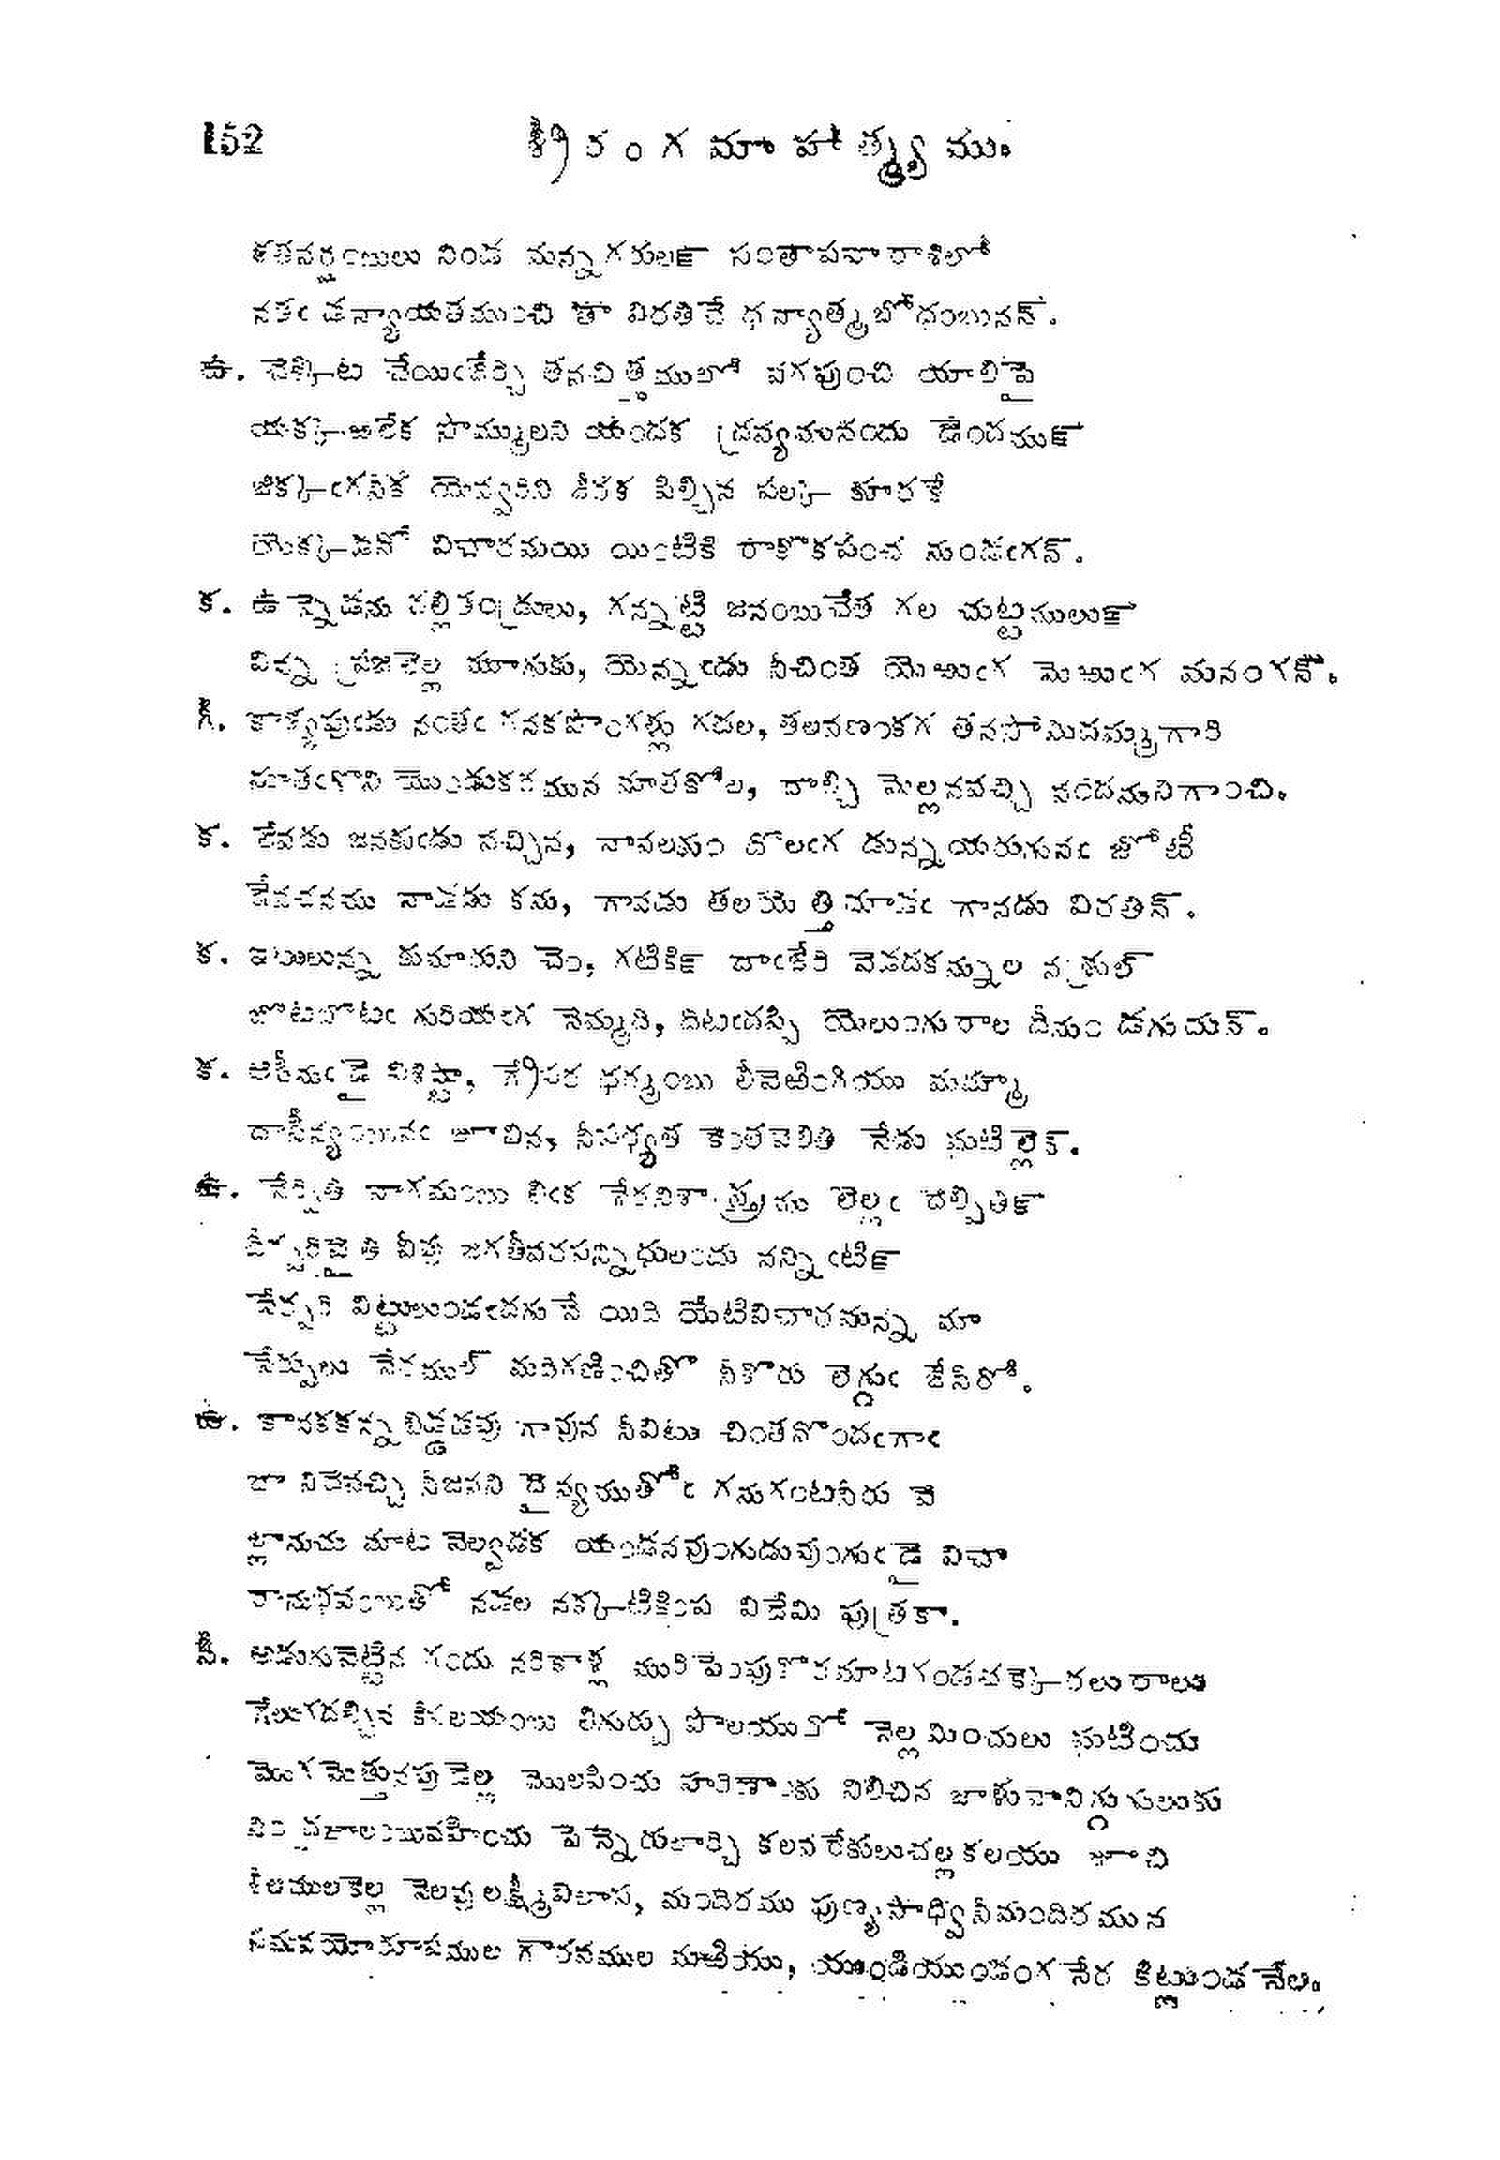శతవర్షంబులు నిండ మన్నగరులన్ సంతాపవారాశిలో
 నతఁ డన్యాయతముంచి తా విరతిచే ధన్యాత్మబోధంబునన్.
ఉ. చెక్కిట చేయిఁజేర్చి తనచిత్తములో వగపుంచి యాలిపై
 యక్కఱలేక సొమ్ములని యందక ద్రవ్యమునందు డెందమున్
 జిక్కఁగనీక యెవ్వనిని జీరక పిల్చిన పల్క కూరకే
 యెక్కడనో విచారమయి యింటికి రా కొకపంచ నుండఁగన్.
క. ఉన్నెడను దల్లిదండ్రులు, గన్నట్టి జనంబుచేత గల చుట్టములున్
 విన్న ప్రజలెల్ల మూగుకు, యెన్నఁడు నీచింత యెఱుఁగ మెఱుఁగ మనంగన్.
గీ. కాశ్యపుడు నంతఁ గనకపొంగళ్లు గదల, తలనణంకగ తనసోమిదమ్మగారి
 నూతఁగొని యొండుకరమున నూతకోల, దాల్చి మెల్లనవచ్చి నందనుని గాంచి.
క. లేవడు జనకుఁడు వచ్చిన, నావలకుం దొలఁగ డున్నయరుగునఁ జో టీ
 డేవచనము నాడడు కను, గావడు తలయెత్తి చూడఁ గానడు విరతిన్.
క. ఇటులున్న కుమారుని చెం, గటికిన్ దాఁజేరి వెడదకన్నుల నశ్రుల్
 బొటబొటఁ గురియఁగ నెమ్మది, దిటఁదప్పి యెలుంగురాల దీనుం డగుచున్.
క. ఆసీనుఁడై విశిష్టా, గ్రేసరధర్మంబు లీ వెఱింగియు మమ్మౌ
 దాసీన్యంబునఁ జూచిన, నీసభ్యత కంతవెలితి నేడు ఘటిల్లెన్.
ఉ. నేర్పితి నాగమమబు లుఁక నేరనిశాస్త్రము లెల్లఁ దెల్పితిన్
 దీర్పరివైతి వీవు జగతీవరసన్నిధులందు నన్నిఁటిన్
 నేర్పరి విట్టులుండఁదగునే యి యేటివిచారమన్న మా
 నేర్పులు నేరముల్ మదిగణించితొ నీకొరు లెగ్గుఁ జేసిరో.
ఉ. కానకకన్నబిడ్డడవు గావున నీవిటు చింత నొందఁగాఁ
 దా నిదెవచ్చి నీజనని దైన్యముతోఁ గనుగంటనీరు వె
 ల్లానుచు మాట వెల్వడక యండనవుంగుడువుంగుఁడై విచా
 రానుభవంబుతో నడల నక్కటికింప విదేమి పుత్రకా.
సీ. అడుగువెట్టిన గందు నరికాళ్ల మురిపెంపుకొరమాట గండచక్కెరలు రాలు
 గేలు గదల్చిన కిసలయంబు లిగుర్చు పొలయుచో నెల్లమించులు ఘటించు
 మొగమెత్తునపుడెల్ల మొలపించు హరిణాంకు నిలిచిన జాళువానిగ్గుపలుకు
 నింద్రజాలంబు వహించు పెన్నెరులార్చి కలవరేకులు చల్లకలయు జూచి
 శీలములకెల్ల నెలవు లక్ష్మీవిలాస, మందిరము పుణ్యసాధ్వి నీమందిరమున
 సమవయోరూపముల గౌరవముల మఱియు, యుండియుండంగ నేర కిట్లుండనేల.